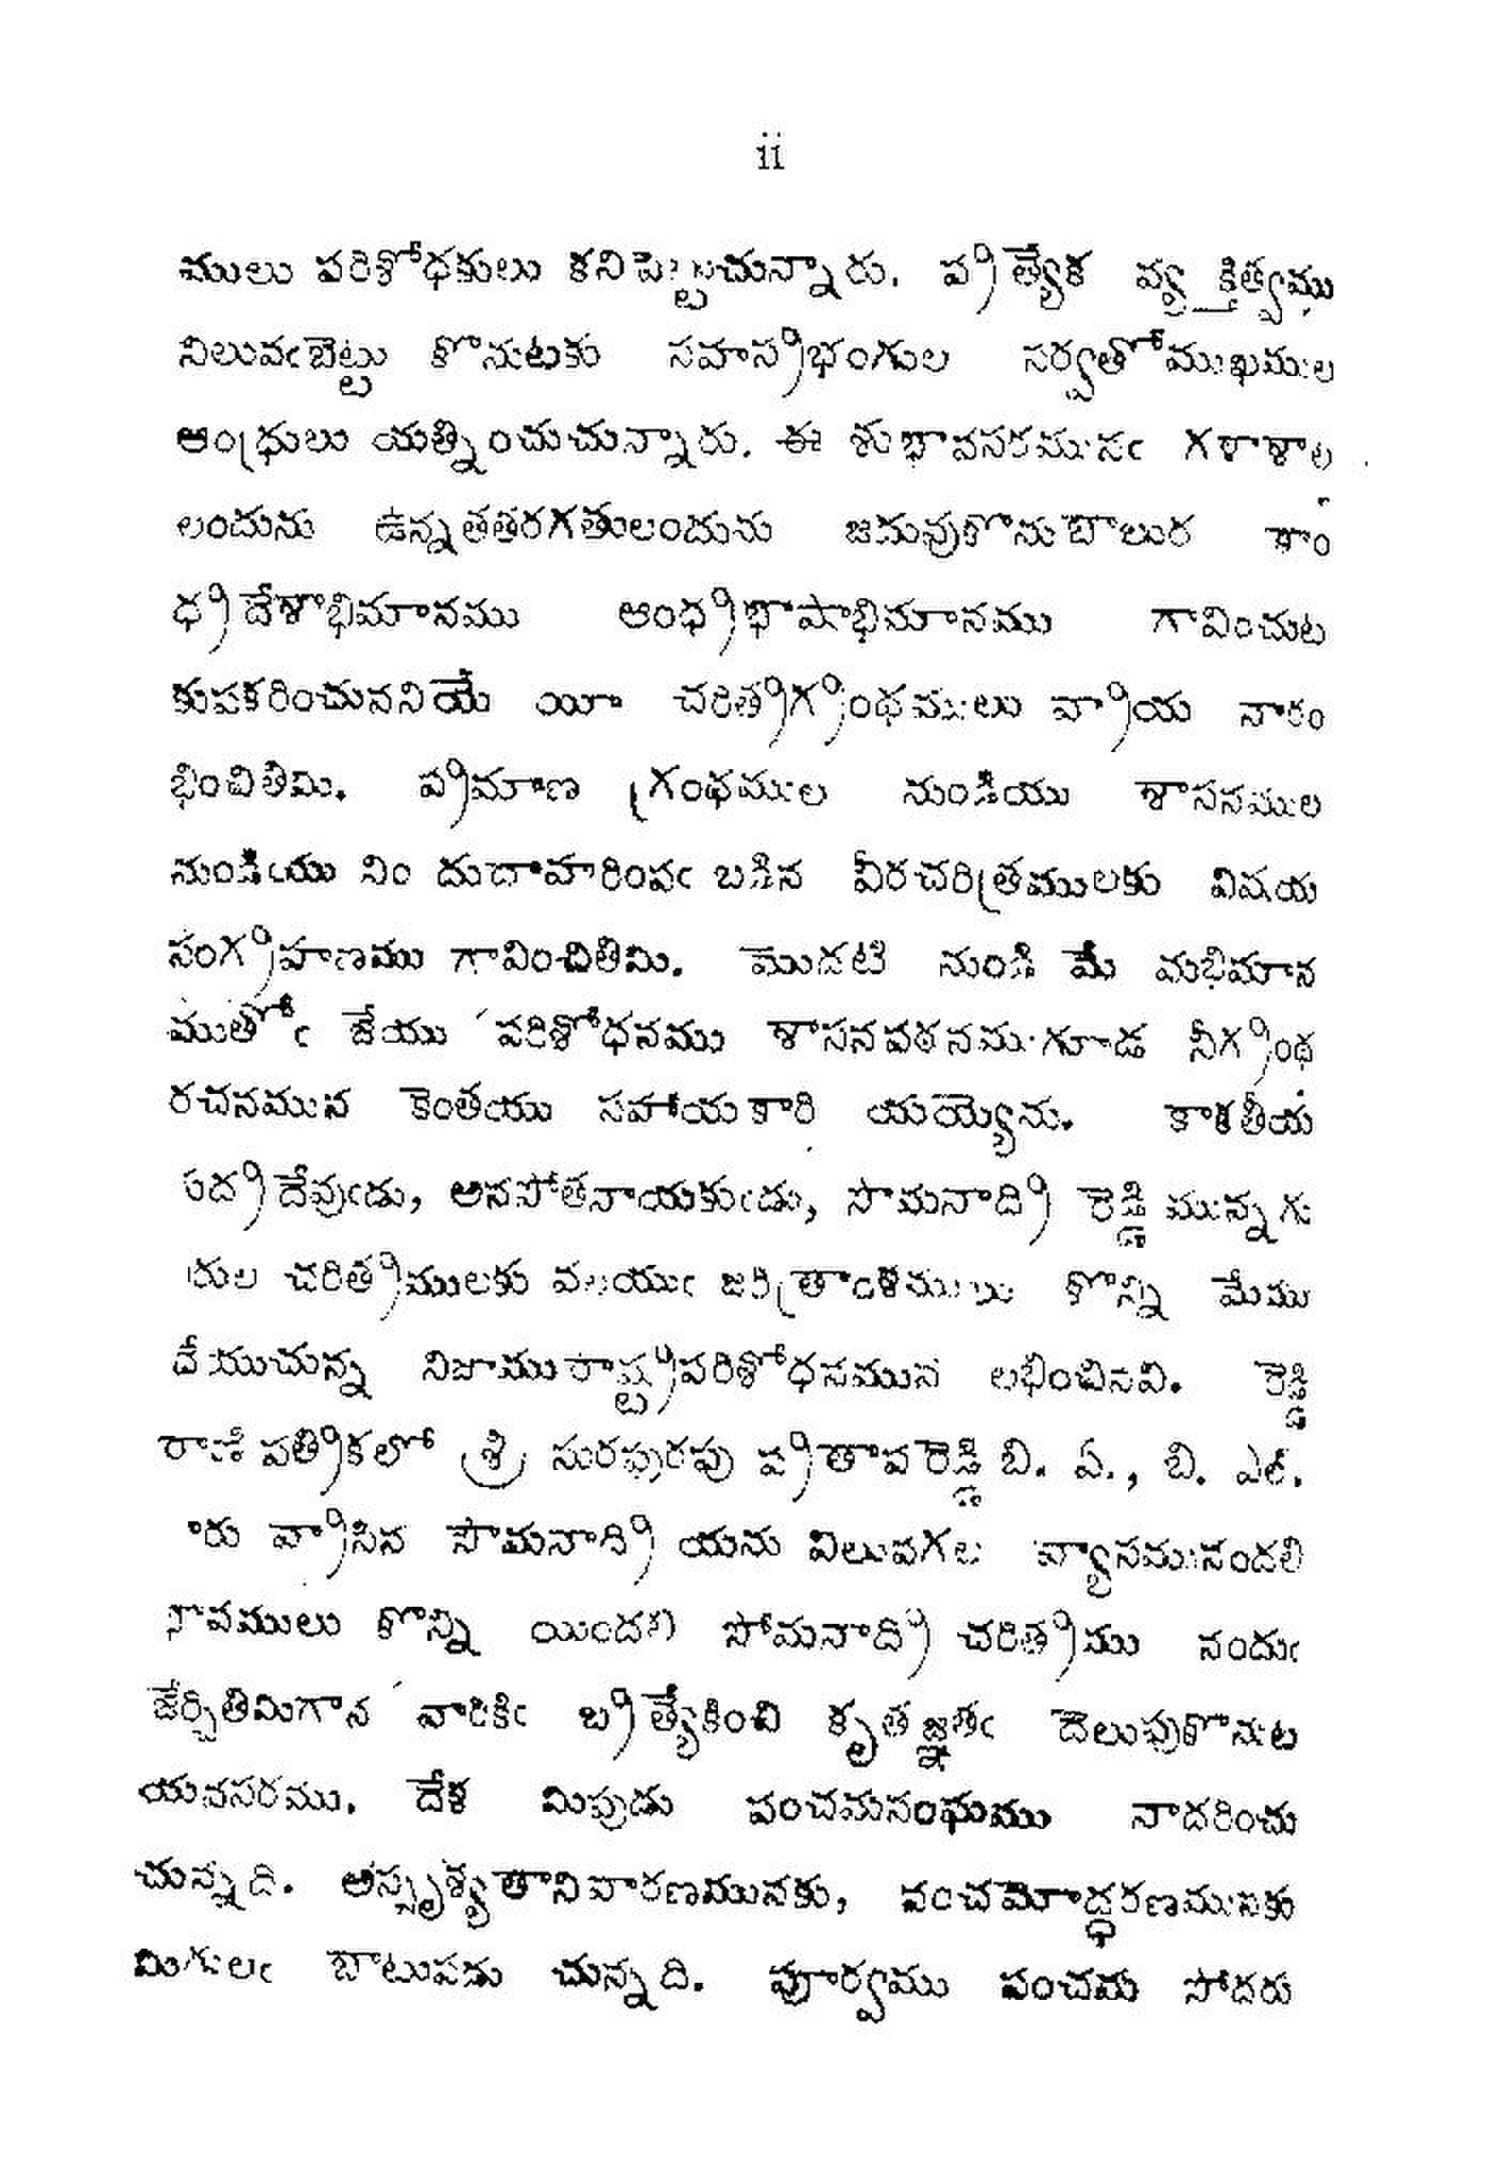ములు పరిశోధకులు కనిపెట్టుచున్నారు. ప్రత్యేక వ్యక్తిత్వము నిలువబెట్టు కొనుటకు సహస్రభంగుల సర్వతోముఖముల ఆంధ్రులు యత్నించుచున్నారు. ఈ శుభావసరమున గళాశాల లందును ఉన్నత తరగతులందును జదువుకొను బాలుర కాంధ్రదేశాభిమానము ఆంధ్రభాషాభిమానము గావించుట కుపరించుననియే యీ చరిత్రగ్రంథములు వ్రాయ నారంభించితిమి. ప్రమాణ గ్రంథముల నుండియు శాసనముల నుండియు నిం దుదాహరింప బడిన వీరచరిత్రములకు విషయ సంగ్రహణము గావించితిమి. మొదటి నుండి మే మభిమానముతో జేయు పరిశోధనము గూడ నీగ్రంథ రచనమున కెంతయు సహాయకారి యయ్యెను. కాకతీయ రుద్రదేవుడు, అనపోతనాయకుడు, సోదనాద్రి రెడ్డి మున్నగు వీరుల చరిత్రములకు వలయు జరిత్రాంశములు కొన్ని మేము చేయుచున్న నిజామురాష్ట్ర పరిశోధనమున లభించినవి. రెడ్డిరాణి పత్రికలో శ్రీ సురపురపు ప్రతాపరెడ్డి బి. ఏ., బి. ఎల్. గారు వ్రాసిన సౌమనాద్రి యను విలువగల వ్యాసమునందలి భాగములు కొన్ని యిందలి సోమనాద్రి చరిత్రము నందు జేర్చితిమిగాన వారికి బ్రత్యేకించి కృతజ్ఞత దెలుపుకొనుట యవసరము. దేశ మిపుడు పంచమ సంఘము నాదరించు చున్నది. అస్పృశ్యతా నివారణమునకు, పంచమోద్ధరణమునకు మిగుల బాటుపడు చున్నది. పూర్వము పంచమ సోదరు